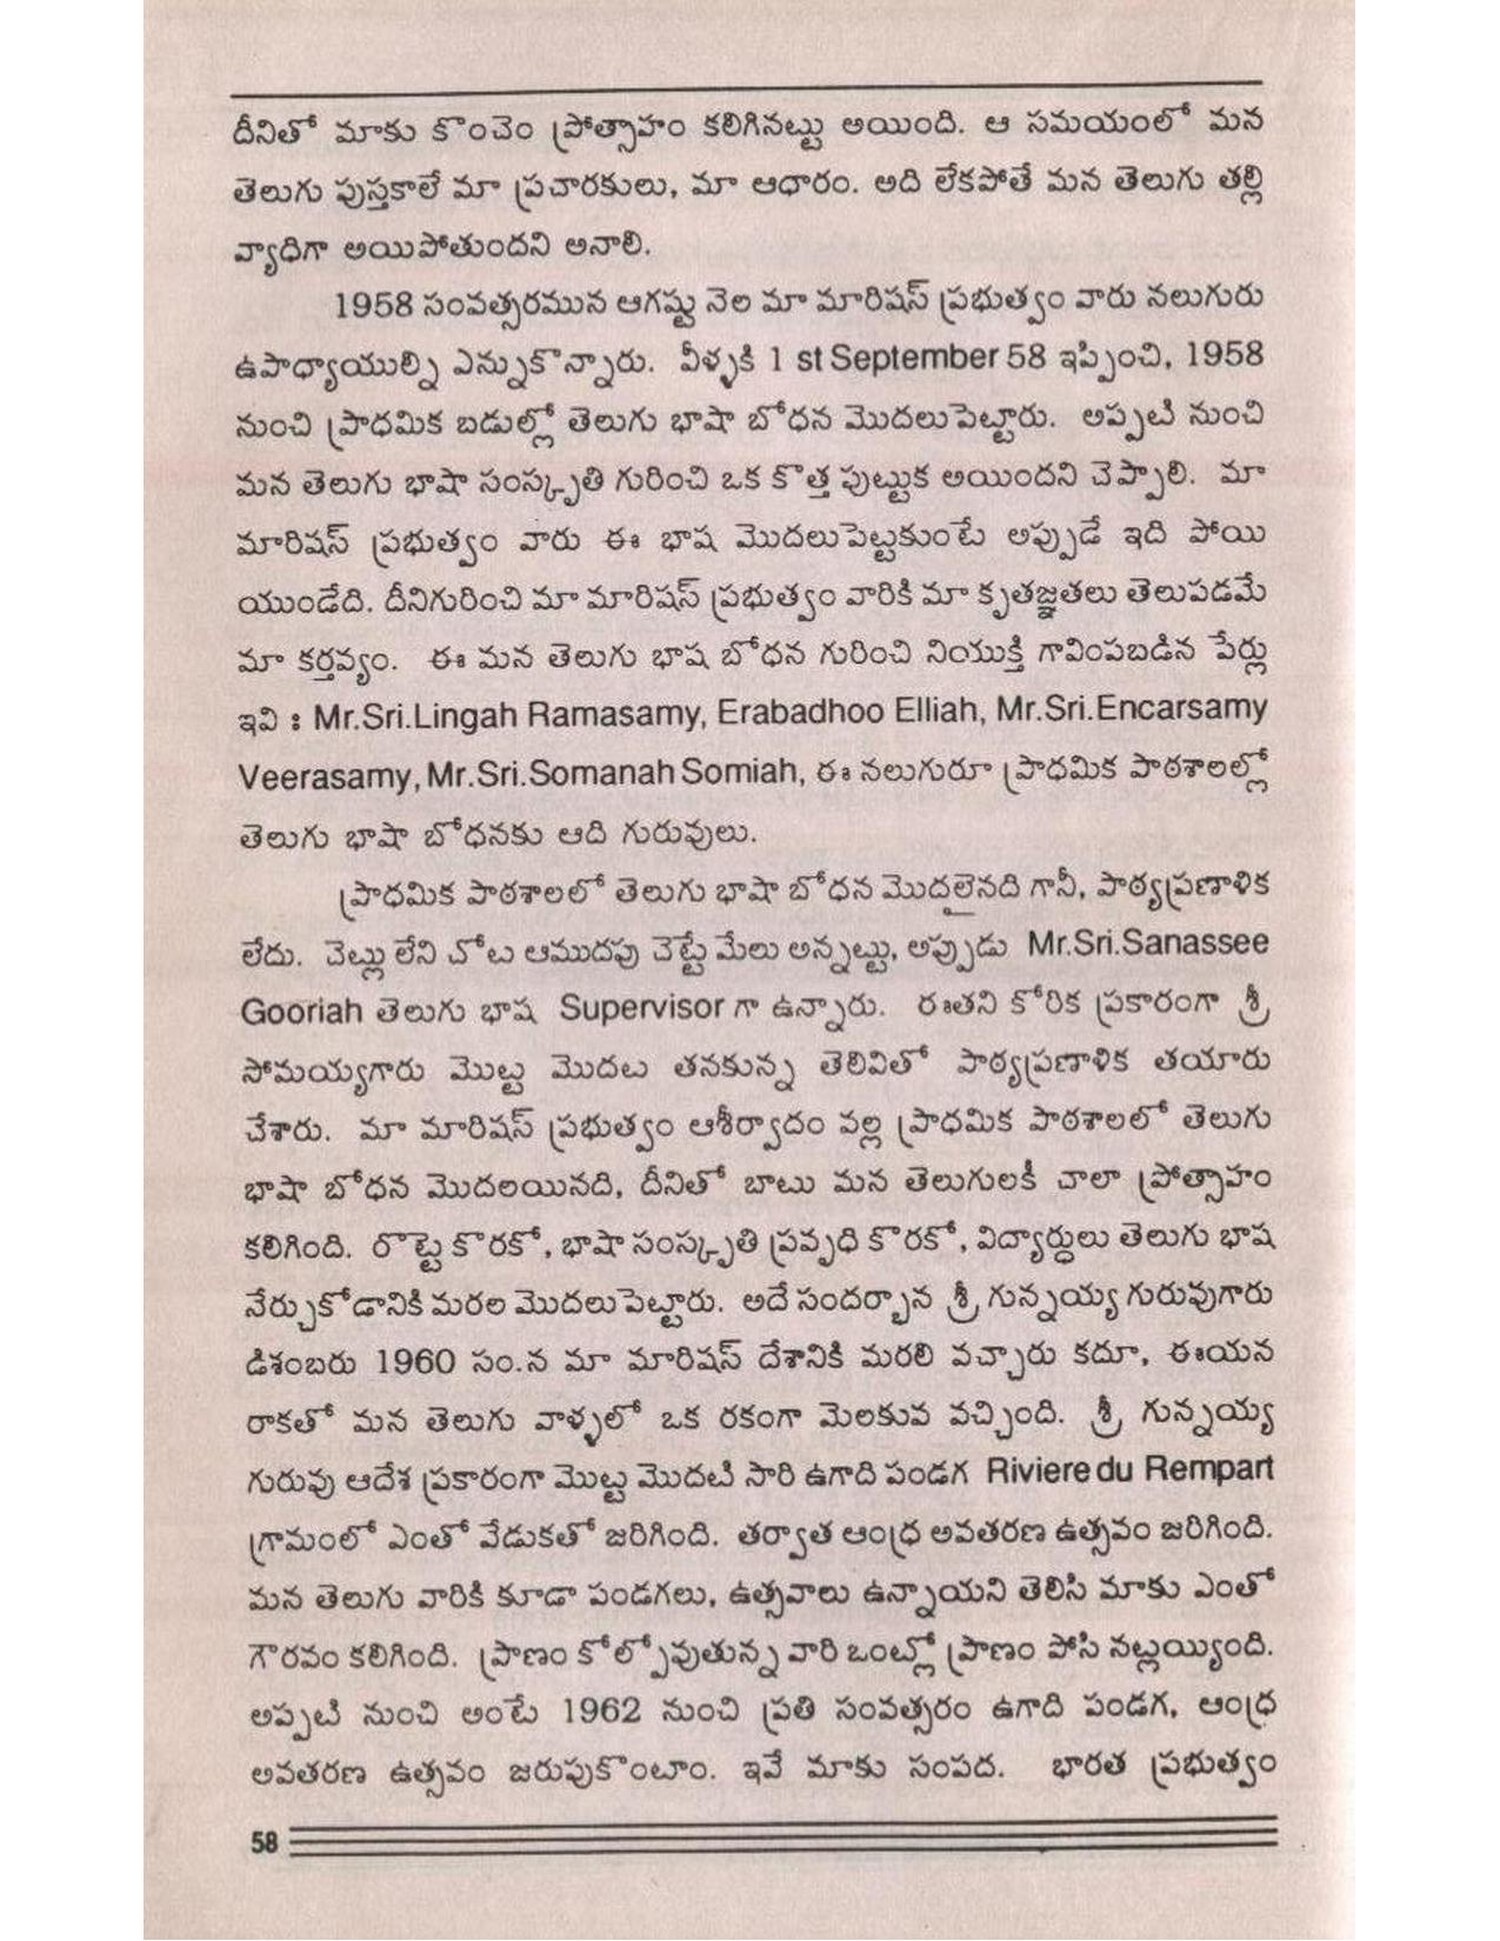దీనితో మాకు కొంచెం ప్రోత్సాహం కలిగినట్టు అయింది. ఆ సమయంలో మన తెలుగు పుస్తకాలే మా ప్రచారకులు, మా ఆధారం. అది లేకపోతే మన తెలుగు తల్లి వ్యాధిగా అయిపోతుందని అనాలి.

1958 సంవత్సరమున ఆగష్టు నెల మా మారిషస్ ప్రభుత్వం వారు నలుగురు ఉపాధ్యాయుల్ని ఎన్నుకొన్నారు. వీళ్ళకి 1 september 58 ఇప్పించి, 1958 నుంచి ప్రాధమిక బడుల్లో తెలుగు భాషా బోధన మొదలుపెట్టారు. అప్పటి నుంచి మన తెలుగు భాషా సంస్కృతి గురించి ఒక కొత్త పుట్టుక అయిందని చెప్పాలి. మా మారిషస్ ప్రభుత్వం వారు ఈ భాష మొదలుపెట్టకుంటే అప్పుడే ఇది పోయి యుండేది. దీనిగురించి మా మారిషస్ ప్రభుత్వం వారికి మా కృతజ్ఞతలు తెలుపడమే మా కర్తవ్యం. ఈ మన తెలుగు భాష బోధన గురించి నియుక్తి గావింపబడిన పేర్లు ఇవి: Mr.Sri.Lingah Ramasamy, Erabadhoo Elliah, Mr.Sri.Encarsamy Veerasamy,Mr.Sri Somanah Somiah, ఈ నలుగురూ ప్రాధమిక పాఠశాలల్లో తెలుగు భాషా బోధనకు ఆది గురువులు.

ప్రాధమిక పాఠశాలలో తెలుగు భాషా బోధన మొదలైనది గానీ, పాఠ్యప్రణాళిక లేదు. చెట్టు లేని చోట ఆముదపు చెట్టే మేలు అన్నట్టు, అప్పుడు Mr.Sri Sanassee Gooriah తెలుగుభాష Supervisor గా ఉన్నారు. ఈతని కోరిక ప్రకారంగా శ్రీ సోమయ్యగారు మొట్ట మొదట తనకున్న తెలివితో పాఠ్యప్రణాళిక తయారు చేశారు. మా మారిషస్ ప్రభుత్వం ఆశీర్వాదం వల్ల ప్రాధమిక పాఠశాలలో తెలుగు భాషా బోధన మొదలయినది, దీనితో బాటు మన తెలుగులకీ చాలా ప్రోత్సాహం కలిగింది. రొట్టె కొరకో, భాషా సంస్కృతి ప్రవృధి కొరకో, విద్యార్దులు తెలుగు భాష నేర్చుకోడానికి మరల మొదలుపెట్టారు. అదే సందర్భాన శ్రీ గున్నయ్య గురువుగారు డిశంబరు 1960 సం.న మా మారిషస్ దేశానికి మరలి వచ్చారు కదూ, ఈయన రాకతో మన తెలుగు వాళ్ళలో ఒక రకంగా మెలకువ వచ్చింది. శ్రీ గున్నయ్య గురువు ఆదేశ ప్రకారంగా మొట్ట మొదటి సారి ఉగాది పండగ Riviere du Rempart గ్రామంలో ఎంతో వేడుకతో జరిగింది. తర్వాత ఆంధ్ర అవతరణ ఉత్సవం జరిగింది. మన తెలుగు వారికి కూడా పండగలు, ఉత్సవాలు ఉన్నాయని తెలిసి మాకు ఎంతో గౌరవం కలిగింది. ప్రాణం కోల్పోవుతున్న వారి ఒంట్లో ప్రాణం పోసి నట్లయ్యింది. అప్పటి నుంచి అంటే 1962 నుంచి ప్రతి సంవత్సరం ఉగాది పండగ, ఆంధ్ర అవతరణ ఉత్సవం జరుపుకొంటాం. ఇవే మాకు సంపద. భారత ప్రభుత్వం